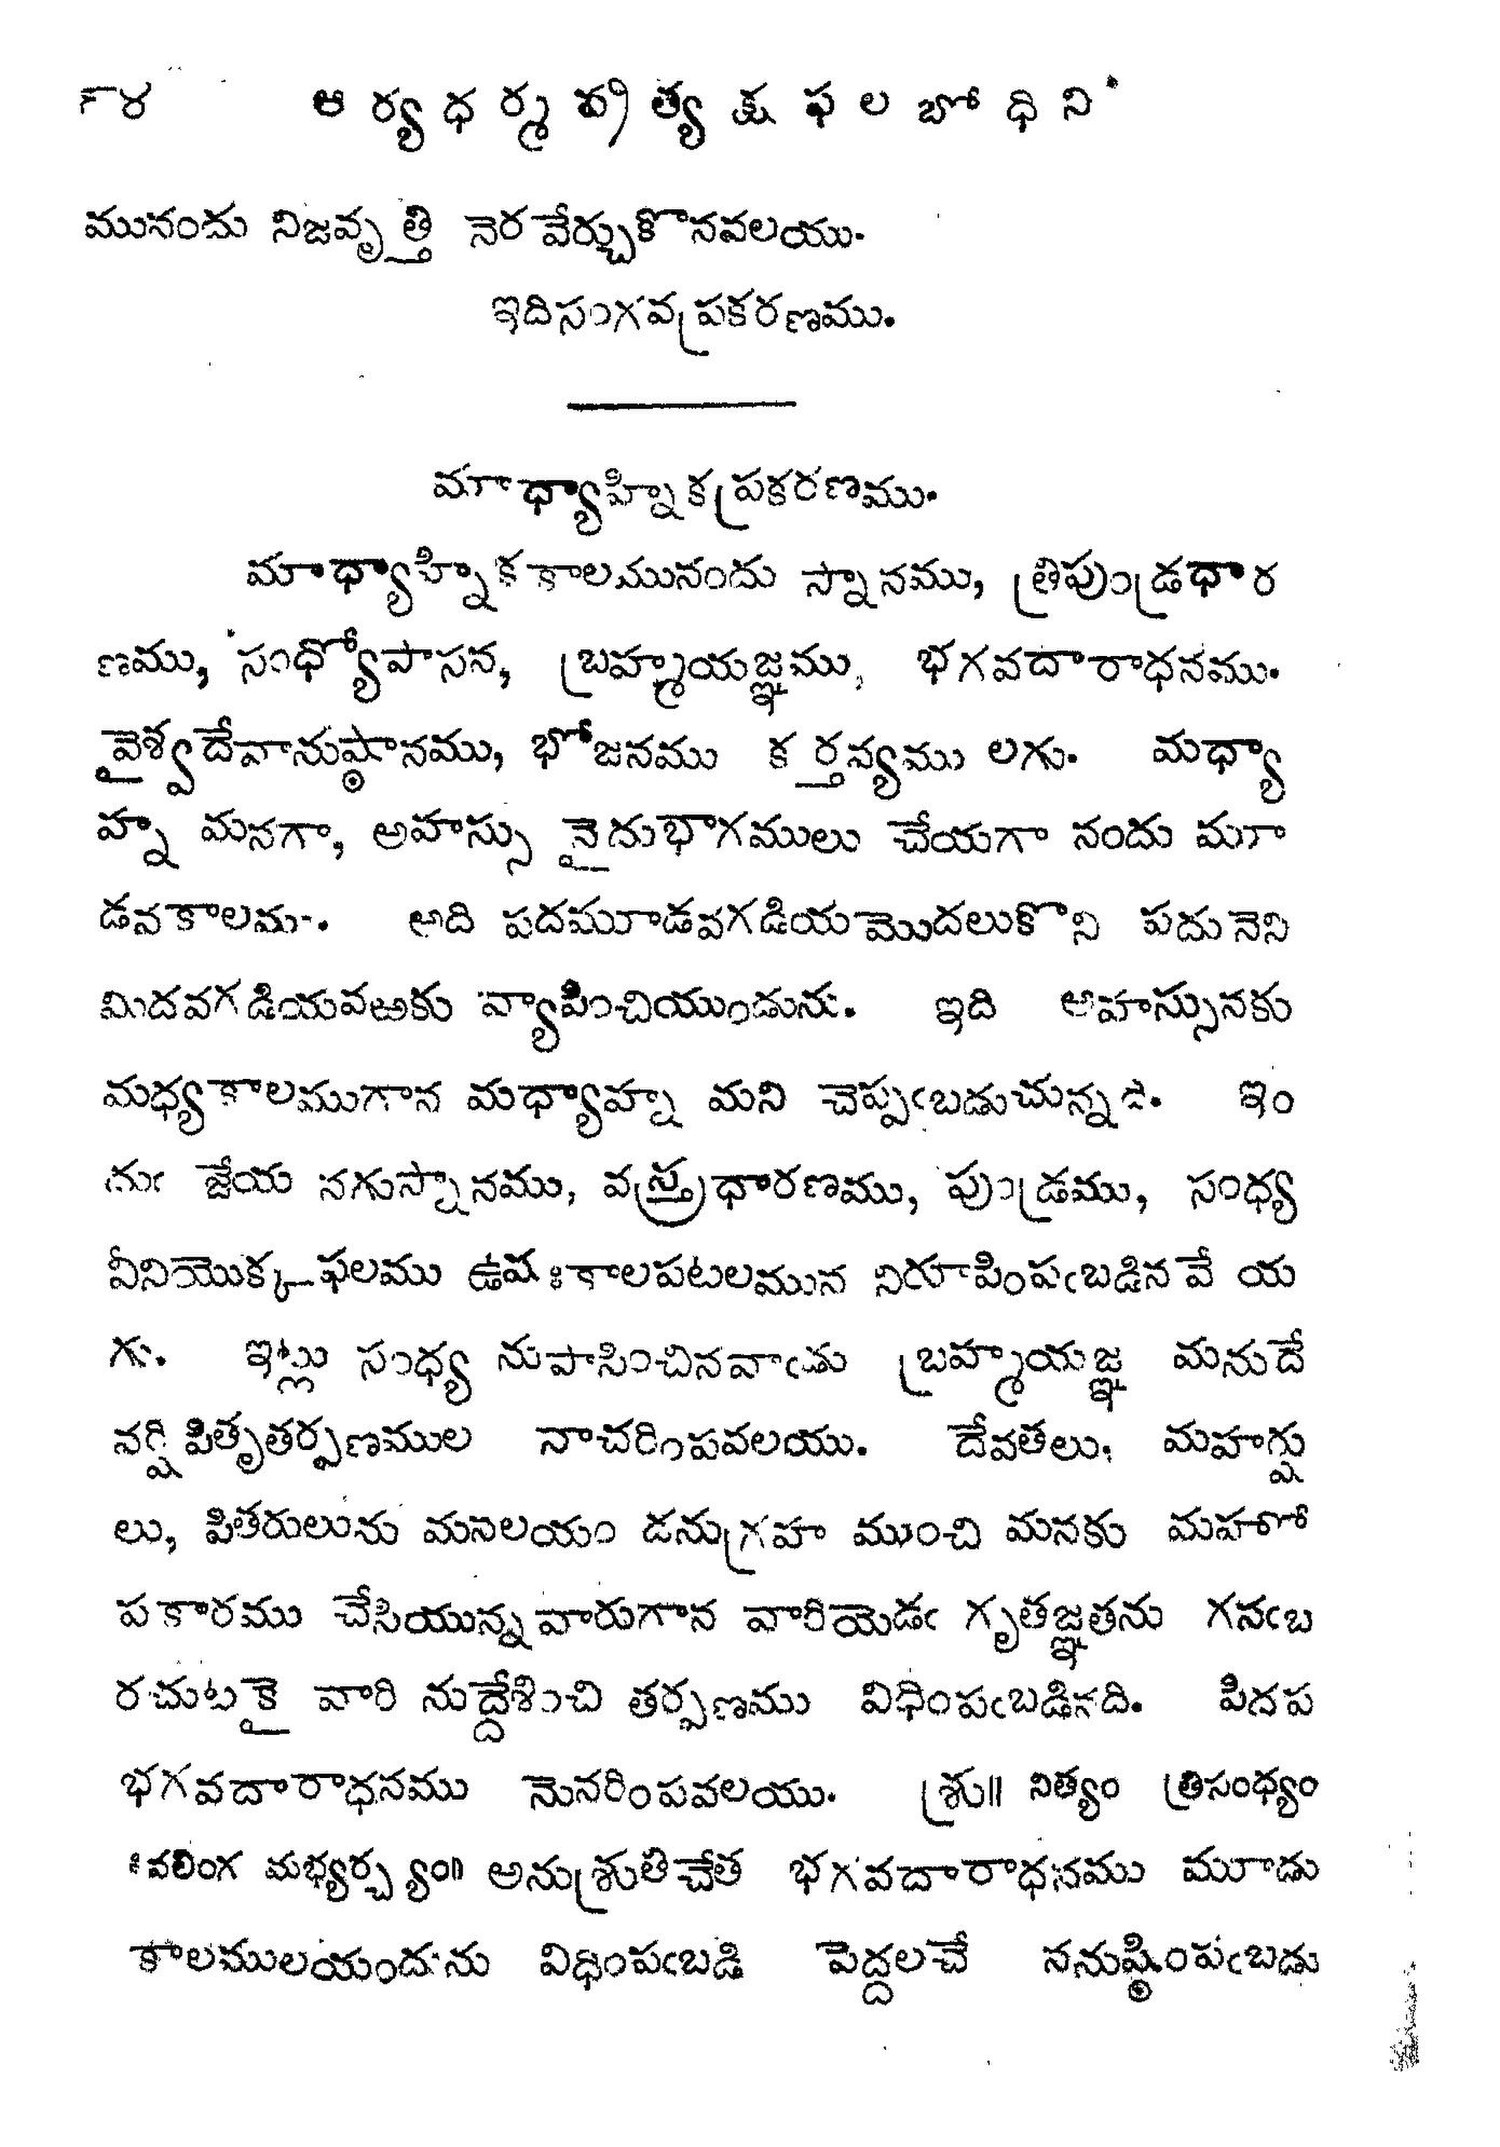మునందు నిజవృత్తి నెరవేర్చుకొనవలయు.

మాధ్యాహ్నికకాలమునందు స్నానము, త్రిపుండ్రధారణము, సంధ్యోపాసన, బ్రహ్మయజ్ఞము, భగవదారాధనము, వైశ్వదేవానుష్ఠానము, భోజనము కర్తవ్యము లగు. మధ్యాహ్న మనగా, అహస్సు నైదుభాగములు చేయగా నందు మూడవకాలము. అది పదమూడవగడియమొదలుకొని పదునెనిమిదవగడియవఱకు వ్యాపించియుండును. ఇది అహస్సునకు మధ్యకాలముగాన మధ్యాహ్న మని చెప్పఁబడుచున్నది. ఇందుఁ జేయ నగుస్నానము, వస్త్రధారణము, పుండ్రము, సంధ్య వీనియొక్క ఫలము ఉషఃకాలపటలమున నిరూపింపఁబడినవే యగు. ఇట్లు సంధ్య నుపాసించినవాఁడు బ్రహ్మయజ్ఞ మనుదేవర్షి పితృతర్పణముల నాచరింపవలయు. దేవతలు, మహర్షులు, పితరులును మనలయం దనుగ్రహ ముంచి మనకు మహోపకారము చేసియున్నవారుగాన వారియెడఁ గృతజ్ఞతను గనఁబరచుటకై వారి నుద్దేశించి తర్పణము విధింపఁబడినది. పిదప భగవదారాధనము నొనరింపవలయు. శ్రు॥ నిత్యం త్రిసంధ్యం శివలింగ మభ్యర్చ్యం॥ అనుశ్రుతిచేత భగవదారాధనము మూడుకాలములయందును విధింపఁబడి పెద్దలచే ననుష్ఠింపఁబడు